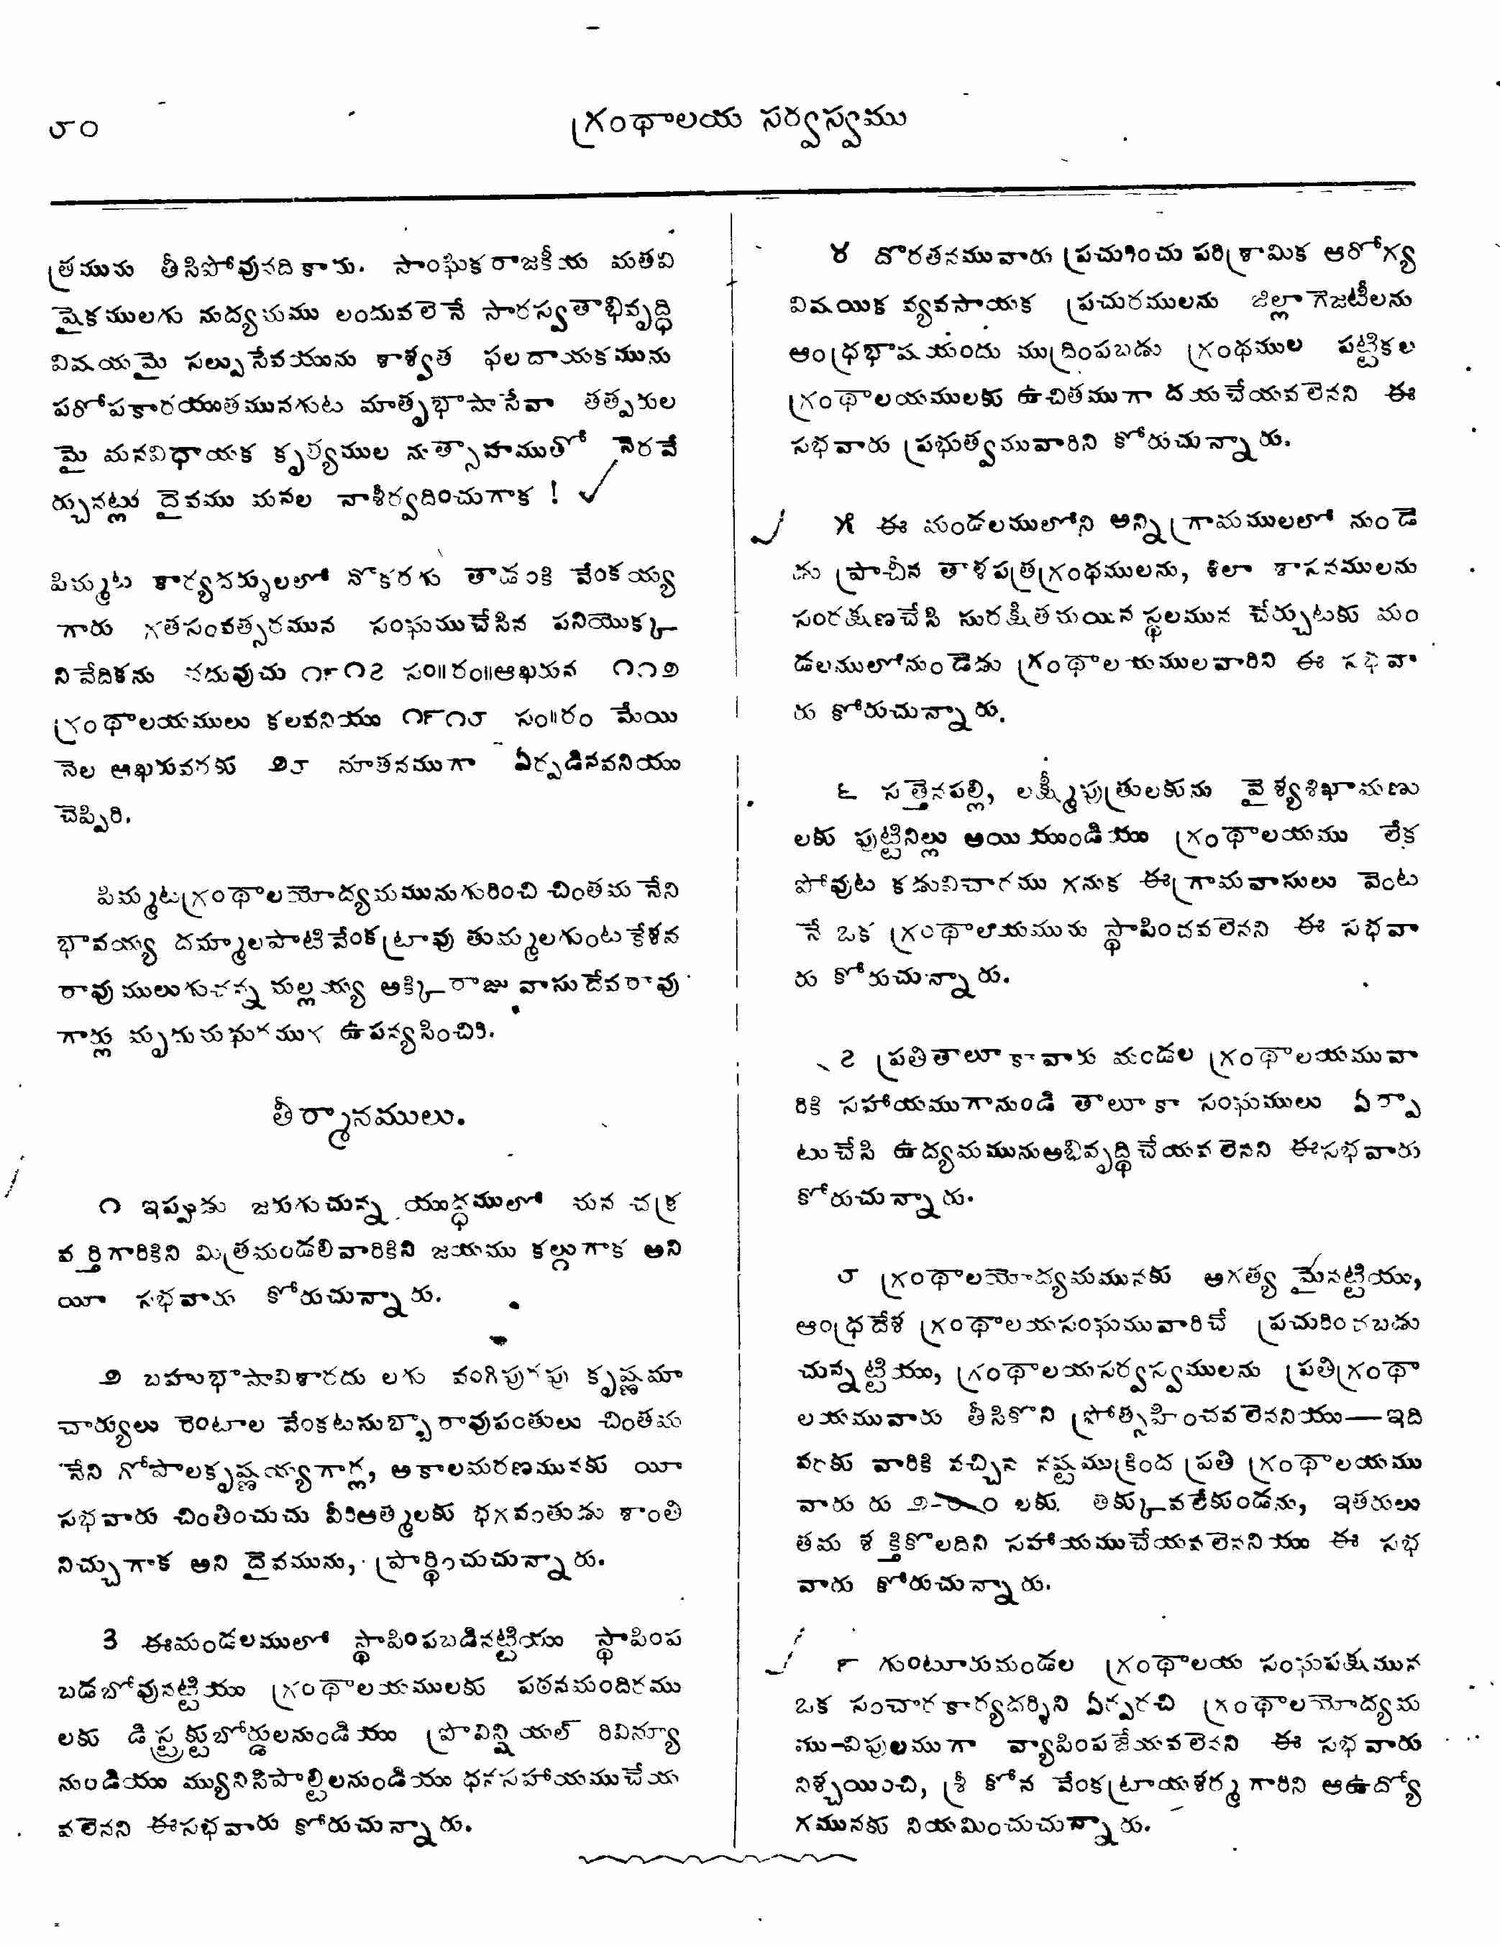త్రమును తీసిపోవునది కారు. సాంఘిక రాజకీయ మతవిషైకములగు నుద్యమము లందువలెనే సారస్వతాభివృద్ధి విషయమై 
సల్పుసేవయును శాశ్వత ఫలదాయకమును పరోపకారయుతమునగుట మాతృభాషాసేవా తత్పరులమై మనవిధాయక కృత్యముల నుత్సాహముతో నెరవేర్చునట్లు దైవము మనల నాశీర్వదించుగాక!

పిమ్మట కార్యదర్శులలో నొకరగు తాడంకి వేంకయ్యగారు గతసంవత్సరమున సంఘము చేసిన పనియొక్క నివేదికను చదువుచు ౧౯౧౭ సం॥రం॥ ఆఖరున ౧౧౨ గ్రంథాలయములు కలవనియు ౧౯౧౭ సం॥రం మేయి నెల ఆఖరువరకు ౨౭ నూతనముగా ఏర్పడినవినయు చెప్పిరి.

పిమ్మటగ్రంథాలయోద్యమమును గురించి చింతమునేని భావయ్య దమ్మాలపాటి వెంకట్రావు తుమ్మలగుంటకేశరావు ములుగుచన్న మల్లయ్య అక్కి రాజువాసుదేవరావుగార్లు మృదుమధురముగ ఉపన్యసించిరి.

౧ ఇప్పుడు జరుగుతున్న యుద్ధములో మన చక్రవర్తిగారికిని మిత్రమండలివారికిని జయము కల్గుగాక అని యి సభవారు కోరుచున్నారు.

౨ బహుభాషా విశారదులగు వంగిపురపు కృష్ణమాచార్యులు రెంటాల వేంకటసుబ్బారావు పంతులు చింతమనేని 
గోపాలకృష్ణయ్యగార్ల, అకాలమరణమునకు యి సభవారు చింతించుచు వీరి ఆత్మలకు భగవంతుడు శాంతినిచ్చుగాక 
అని దైవమును, ప్రార్థించుచున్నారు.

3 ఈమండలములో స్థాపింపబడినట్టియు స్థాపింపబడబోవునట్టియు గ్రంథాలయములకు పఠనమందిరములకు డిస్ట్రక్టుబోర్డు లనుండియు ప్రొవిన్షియల్ రివిన్యూనుండియు మ్యునిసిపాల్టిలనుండియు ధనసహాయము చేయవలెనని ఈసభవారు 
కోరుచున్నారు.

౪ దొరతనమువారు ప్రచురించు పరిశ్రామిక ఆరోగ్యవిషయిక వ్యవసాయక ప్రచురములను జిల్లా గెజటీలను ఆంధ్రభాష 
యందు ముద్రింపబడు గ్రంథముల పట్టికల గ్రంథాలయములకు ఉచితముగా దయచేయవలెనని ఈ సభవారు 
ప్రభుత్వమువారిని కోరుచున్నారు.

౫ ఈ మండలములోని అన్ని గ్రామములలో నుండెడు ప్రాచీన తాళపత్రగ్రంధములను, శిలా శాసనములను సంరక్షణచేసి 
సురక్షితమయిన స్థలమున చేర్చుటకు మండలములోనుండెడు గ్రంథాలయముల వారిని ఈ సభవారు కోరుచున్నారు.

౬ సత్తెనపల్లి, లక్ష్మీపుత్రులకును వైశ్యశిఖామణులకు పుట్టినిల్లు అయియుండియు గ్రంథాలయము లేకపోవుట కడువిచారము 
గనుక ఈ గ్రామవాసులు వెంటనే ఒక గ్రంథాలయమును స్థాపించవలెనని ఈ సభవారు కోరుచున్నారు.

౭ ప్రతితాలూకావారు మండల గ్రంథాలయమువారికి సహాయముగానుండి తాలూకా సంఘములు ఏర్పాటుచేసి ఉద్యమమును అభివృద్ధి చేయవలెనని ఈ సభవారు కోరుచున్నారు.

౮ గ్రంథాలయోద్యమమునకు అగత్య మైనట్టియు, ఆంధ్రదేశ గ్రంథాలయసంఘము వారిచే ప్రచురించబడు చున్నట్టియు, గ్రంథాలయ సర్వస్వములను ప్రతిగ్రంథాలయమువారు తీసికొని ప్రోత్సహించవలెననియు — ఇదివరకు వారికి వచ్చిన నష్టము 
క్రింద ప్రతి గ్రంథాలయము వారు రు ౨-౦-౦ లకు తక్కువలేకుండను, ఇతరులు తమ శక్తికొలదిని సహాయముచేయవలెననియు ఈ సభ వారు కోరుచున్నారు.

౯ గుంటూరు మండల గ్రంథాలయ సంఘపక్షమున ఒక సంచార కార్యదర్శిని ఏర్పరచి గ్రంథాలయోద్యమము - విపులముగా వ్యాపింపజేయవలెనని ఈ సభవారు నిశ్చయించి, శ్రీ కోన వెంకట్రాయశర్మ గారిని ఆఉద్యోగమునకు నియమించుచున్నారు.